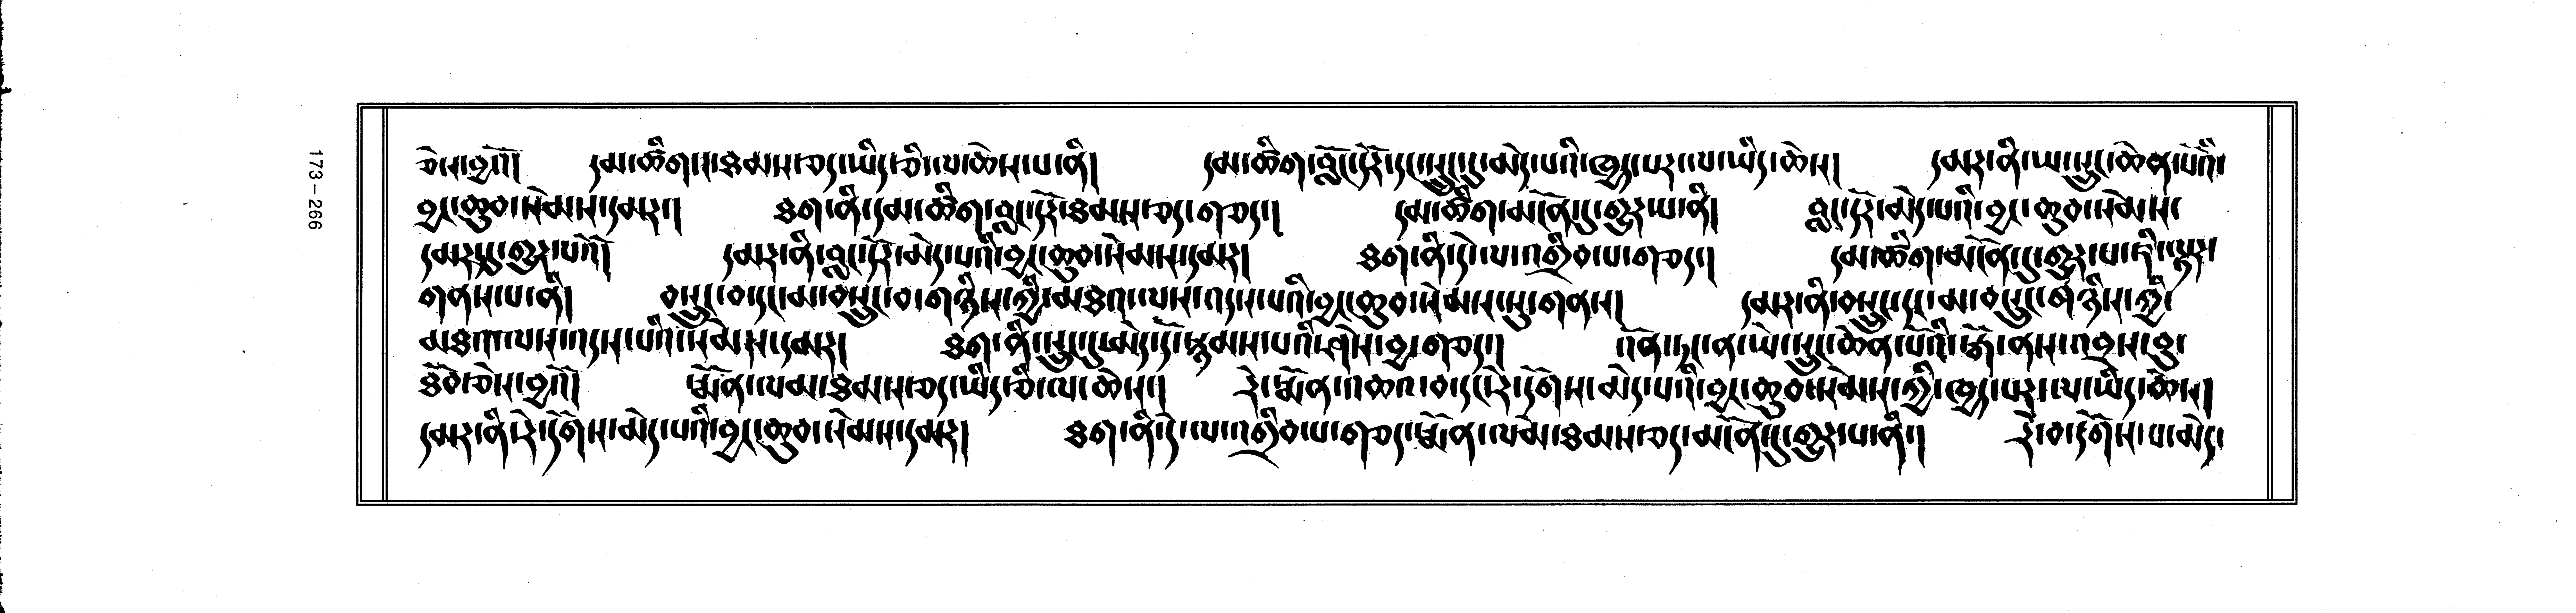ཅེས་བྱའོ། །དམ་ཚིག་ཐམས་ཅད་ཡིད་ཅི་ལ་ཆེས་པ་ནི། དམ་ཚིག་བླང་དོར་དང་བསྲུང་དུ་མེད་པའི་ཁྱད་པར་ལ་ཡིད་ཆེས། དམར་ནི་ཡེ་སྲུང་ཆེན་པོའི་
བྱང་ཆུབ་སེམས་དམར། ཐག་ནི་དམ་ཚིག་བླང་དོར་ཐམས་ཅད་གཅད། དམ་ཚིག་མངོན་དུ་གྱུར་པ་ནི། བླང་དོར་མེད་པའི་བྱང་ཆུབ་སེམས་
དམར་དུ་གྱུར་པའོ། །དམར་ནི་བླང་དོར་མེད་པའི་བྱང་ཆུབ་སེམས་དམར། ཐག་ནི་དེ་ལ་འགྲིབ་པ་གཅད། དམ་ཚིག་མངོན་དུ་གྱུར་པ་ཇི་ལྟར་
གནས་པ་ནི། བསྲུང་བ་དང་མ་བསྲུང་བ་གཉིས་ཀྱི་མཐའ་ལས་འདས་པའི་བྱང་ཆུབ་སེམས་སུ་གནས། དམར་ནི་བསྲུང་བ་དང་མ་བསྲུང་བ་གཉིས་ཀྱི་
མཐའ་ལས་འདས་པའི་སེམས་དམར། ཐག་ནི་སྲུང་དུ་མེད་དོ་སྙམ་པའི་ཤེས་བྱ་གཅད། འོན་ཏང་ན་ཡེ་སྲུང་ཆེན་པོའི་སྒོ་ནས་འབྲས་བུ་
ཐོབ་ཅེས་བྱའོ། །སྨོན་ལམ་ཐམས་ཅད་ཡིད་ཅི་ལ་ཆེས། རེ་སྨོན་འཆའ་བ་དང་རེ་དྭོགས་མེད་པའི་བྱང་ཆུབ་སེམས་ཀྱི་ཁྱད་པར་ལ་ཡིད་ཆེས། 
དམར་ནི་རེ་དྭོགས་མེད་པའི་བྱང་ཆུབ་སེམས་དམར། ཐག་ནི་དེ་ལ་འགྲིབ་པ་གཅད། སྨོན་ལམ་ཐམས་ཅད་མངོན་དུ་གྱུར་པ་ནི། རེ་བ་དྭོགས་པ་མེད་